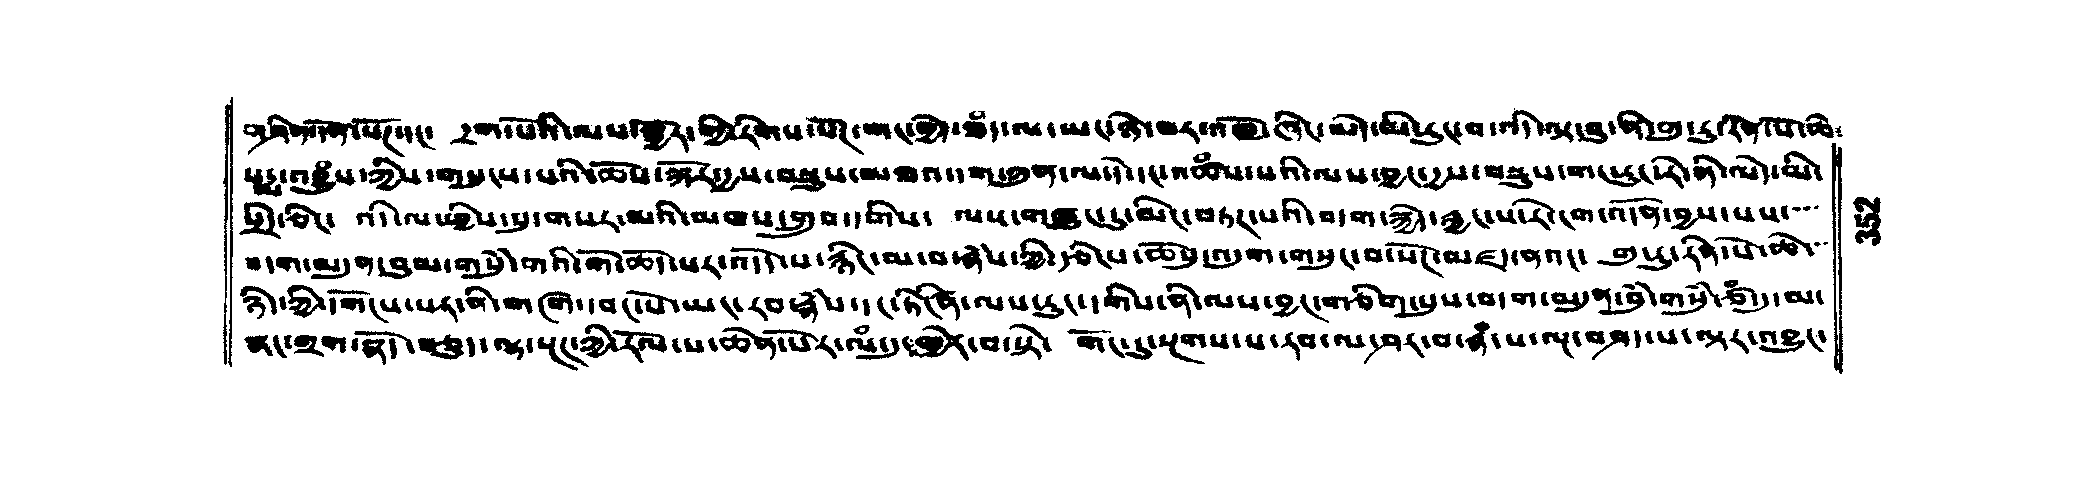གཤིན་དོན་སོགས་དང་། དྲག་པོའི་ལས་སྦྱོར་གྱི་རིགས་སོགས་གང་བྱེད་ཐམས་ཅད་ལ་ཡང་ཉེ་བར་འཁོ་ཞིང་མེད་མི་རུང་བ་འདི་ལྟ་བུ་ནི་གུ་རུ་རིན་པོ་ཆེ་
པདྨ་འབྱུང་གནས་ཀྱིས་གསུགས་པའི་ཆོས་སྐོར་རྒྱས་བསྡུས་མཐའ་དག་ཀུན་ལ་དེ་དང་མཚམས་པའི་ལས་བྱང་རྒྱས་བསྡུས་གང་རུང་རེ་ནི་མེད་མི་
སྲིད་ཅིང་།འདི་ལ་ཕྱིས་སུ་གསར་མའི་མཁས་གྲུབ་ཀྱིས་ལས་གཞུང་དུ་མིང་བཏགས་པའི་བདག་བསྐྱེད་རྐྱང་པ་རེ་ངག་འདོན་བྱས་པས་
བདག་མདུན་བུམ་གསུམ་གའི་གོ་ཆོད་པར་ནི་གདམས་ངག་དབང་པོ་ཡང་རབ་རྣམས་དང་ཏིང་ངེ་འཛིན་ལས་རུང་གིས་ནི་ལས་བྱང་གཅིག་པུས་བདག་མདུན་བུམ་གསུམ་ཙམ་དུ་མ་
སྣང་གྲགས་སྣོད་བཅུད་ལྷ་སྔགས་ཀྱི་རོལ་པ་ཆེན་པོར་ལམ་དུ་འཁྱེར་བ་སྟེ། གོང་དུ་སྔགས་པ་རབ་ལ་ཤར་བ་རྣམ་པ་ལྔ་བཤད་པ་ལྟར་འབྱུང་